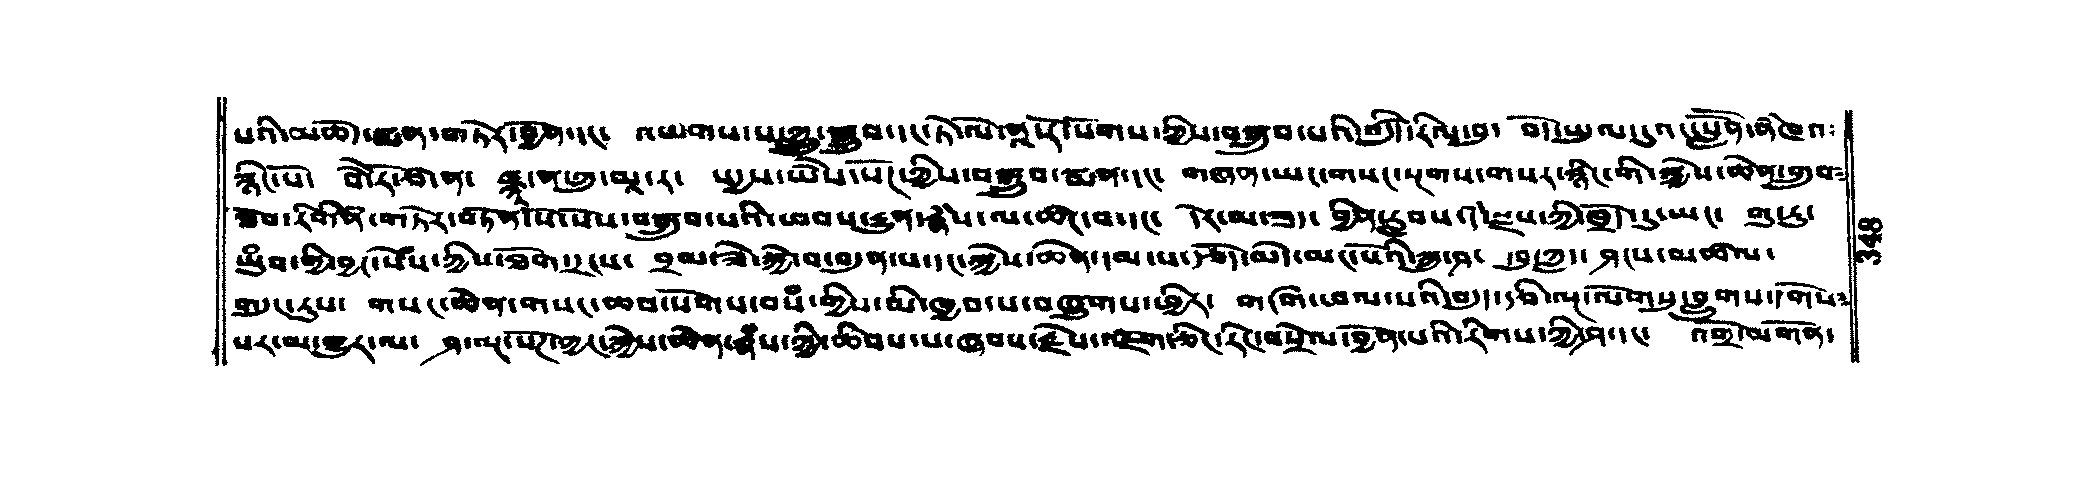པའི་མཆོད་སྨན་གཏེར་བྱོན་དང་། འཕགས་པ་ཀླུ་སྒྲུབ་དང་ཏེ་ལོ་ནཱ་རོ་སོགས་ཀྱིས་བསྒྲུབ་པའི་བདུད་རྩི་རིལ་བུ། བོད་ཡུལ་དུའང་སློབ་དཔོན་ནམ་མཁའི་
སྙིང་པོ། བཻ་རོ་ཙ་ན། ཛྙ་ན་ཀུ་མཱར། སངས་རྒྱས་ཡེ་ཤེས་སོགས་ཀྱི་བསྒྲུབ་སྨན་དང་། གཞན་ཡང་གསང་སྔགས་གསར་རྙིང་སོགས་ཀྱི་སྐྱེས་ཆེན་གྲུབ་
ཐོབ་རིག་འཛིན་གཏེར་བཏོན་སོ་སོས་བསྒྲུབ་པའི་ཕབས་རྒྱུན་རྣམས་ལ་ཚང་བ་དང་། དེར་མ་ཟད། བྱིན་རླབས་དམ་རྫས་ཀྱི་ཁྲོད་དུ་ཡང་། གུ་རུ་
ཡབ་ཡུམ་གྱི་བྱང་སེམས་ཀྱི་ཐོག་དྲངས། བྲམ་ཟེ་སྐྱེ་བ་བདུན་པ་དང་སྐྱེས་ཆེན་དམ་པ་རྩོད་མེད་མང་པོའི་སྐུ་ཤ། དབུ་ཀླད། ཤངས། མཚལ། 
གདུང་རུས། གསང་ཆེན་གསང་ཆབ་སོགས་བསམ་གྱིས་མི་ཁྱབ་པ་བཞུགས་ཕྱིར། གདམས་ངག་ཕལ་བའི་བདུད་རྩི་ལྔ་ལོགས་སུ་བླུགས་དགོས་
པར་མ་གྱུར་ལ། ཤ་ལྔ་སོགས་ཀྱང་སྐྱེས་ཆེན་རྣམས་ཀྱི་ཆིབས་པ་་ཞབས་རྗེས་འཇོག་ཅིང་རིང་བསྲེལ་བྱོན་པའི་རིགས་ཀྱི་ཤ་དང་། འགྲོ་མགོན་